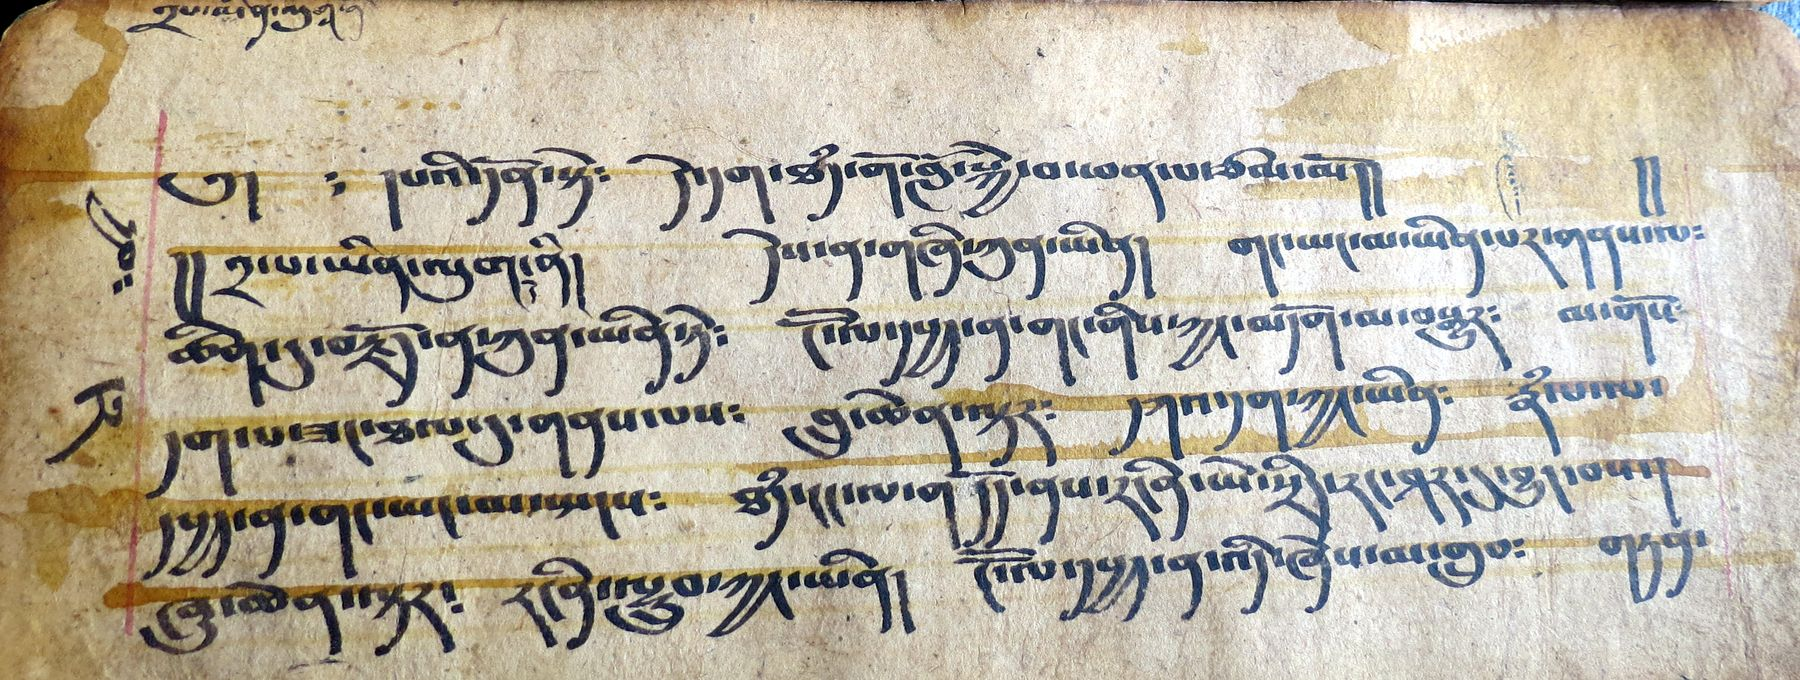བའི་དོན་ཏེ། དེ་དག་ཐམས་ཅད་ཀྱི་གོ་བློ་སྐྱེ་བ་ལ་ཕན་པ་ཙམ་མོ། ། 
གཉིས་པ་ཡིན་ལུགས་དེ་ནི་གཞི་ཀུན་ཡིན། གང་ཡང་མ་ཡིན་པར་གནས་ལ། 
ཚིགས་སུ་བརྗོད་ན་ཀུན་ཡིན་ཏེ། ངོ་བོ་ལ་དཔྱད་ན་གང་གིས་ཀྱང་མདོག་མ་སྒྱུར་མ་གོས། 
དག་པ་ཟང་ཐལ་དུ་གནས་པས། བྲུ་ཆེན་ལྟར་ཀ་དག་ཀྱང་ཡིན། རྣམ་པ་ལ་
དཔྱད་ན་གང་ཡང་མ་སྤངས་ཐམས་ཅད་ངང་ལས་གདོད་ནས་རང་བཞིན་ཡེ་སྲིད་རང་ཤར་དུ་བྱུང་བས་
ཞུ་ཆེན་ལྟར་ལྷུན་གྲུབ་ཀྱང་ཡིན། ངོ་བོ་ལ་དཔྱད་ན་འདི་ཞེས་མ་གྲུབ། གཏན་ཚིག་གཏད་